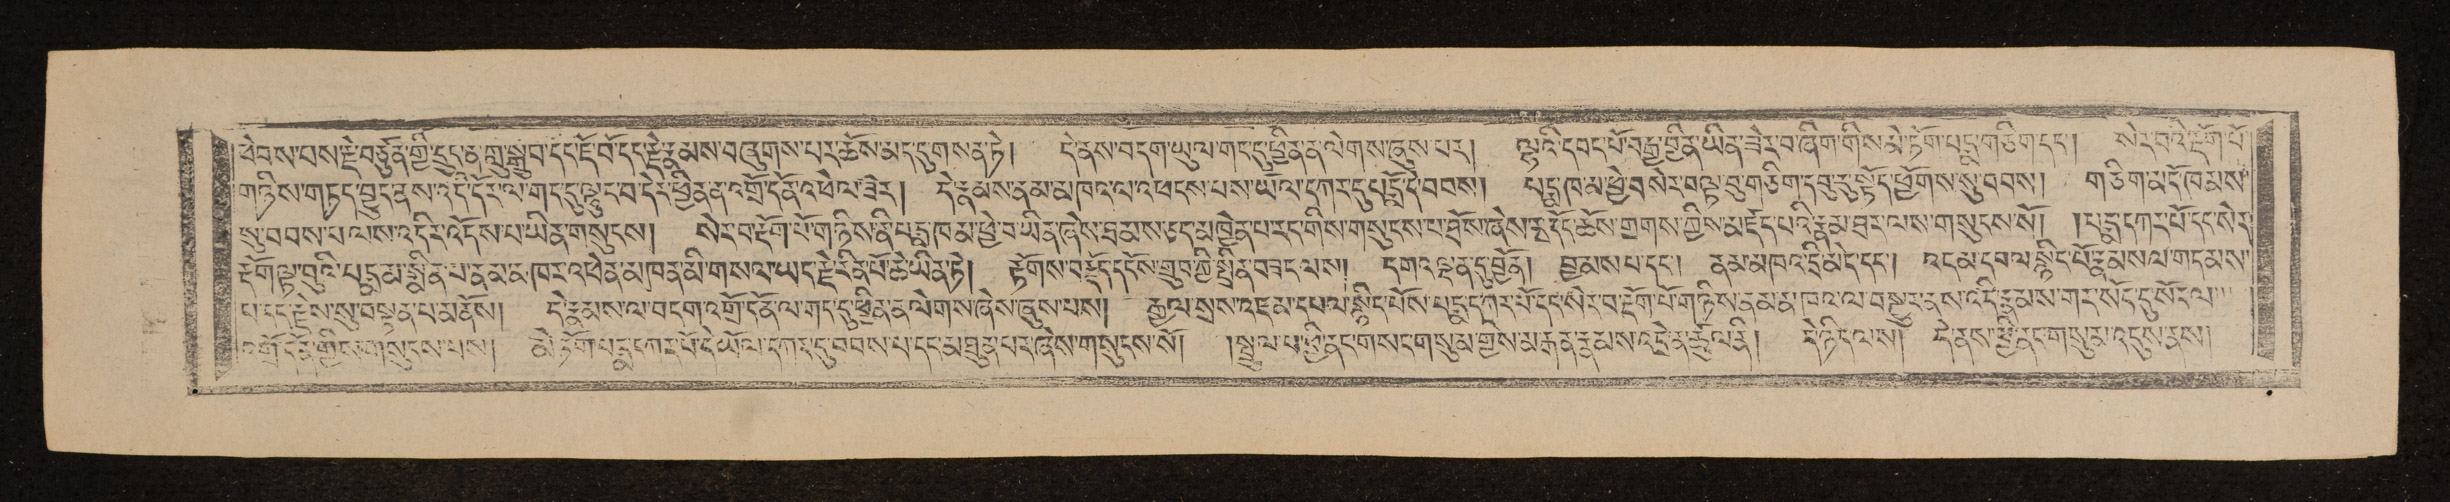ཕེབས་པས་རྗེ་བཙུན་གྱི་དྲུང་ན་ཀླུ་སྒྲུབ་དང་ཇོ་བོ་དང་རྗེ་རྣམས་བཞུགས་པར་ཆོས་མང་དུ་གསན་ཏེ། དེ་ནས་བདག་ཡུལ་གང་དུ་ཕྱིན་ན་ལེགས་ཞུས་པར། ལྷའི་དབང་པོ་བརྒྱ་བྱིན་ཡིན་ཟེར་བཞིག་གིས་མེ་ཏོག་པདམ་གཅིག་དང་། སེར་བའི་རྡོག་པོ་
གཉིས་གཏང་བྱུང་ནས་འདི་དོར་ལ་གང་དུ་ལྷུང་བ་དེར་ཕྱིན་ན་འགྲོ་དོན་འཕེལ་ཟེར། དེ་རྣམས་ནམ་མཁའ་ལ་འཕངས་པས་ཡོལ་དཀར་དུ་པདམོ་དེ་བབས། པདམ་ཁ་མ་ཕྱེ་བསེར་བལྟ་བུ་གཅིག་དབུ་རུ་སྟོད་ཕྱོགས་སུ་བབས། གཅིག་མདོ་ཁམས་
སུ་བབས་པ་ལས་འདིར་འོངས་པ་ཡིན་གསུངས། སེར་བ་རྡོག་པོ་གཉིས་ནི་པདམ་ཁམ་ཕྱེ་བ་ཡིན་ཞེས་ཐམས་ཅད་མཁྱེན་པ་རང་གིས་གསུངས་པ་ཐོས་ཞེས་རྭ་རོང་ཆོས་གྲགས་ཀྱིས་མཛད་པའི་རྣམ་ཐར་ལས་གསུངས་སོ། །པདམ་དཀར་པོ་དང་སེར་
རྡོག་ལྟ་བུའི་པདམ་མ་སྨིན་པ་ནམ་མཁར་འཕེན་མཁན་མི་གསལ་ཡང་རྗེ་རིན་པོ་ཆེ་ཡིན་ཏེ། རྟོགས་བརྗོད་དངོས་གྲུབ་ཀྱི་སྤྲིན་བཟང་ལས། དགའ་ལྡན་དུ་བྱོན། བྱམས་པ་དང་། ནམ་མཁའ་དྲི་མེད་དང་། འཇམ་དཔལ་སྙིང་པོ་རྣམས་ལ་གདམས་
པ་དང་རྗེས་སུ་བསྟན་པ་མ་ནོས། དེ་རྣམས་ལ་བདག་འགྲོ་དོན་ལ་གང་དུ་ཕྱིན་ན་ལེགས་ཞེས་ཞུས་པས། རྒྱལ་སྲས་འཇམ་དཔལ་སྙིང་པོས་པདམ་དཀར་པོ་དང་སེར་བ་རྡོག་པོ་གཉིས་ནམ་མཁའ་ལ་བསྐྱུར་ནས་འདི་རྣམས་གར་སོང་དུ་སོང་ལ་
འགྲོ་དོན་གྱིས་གསུངས་པས། མེ་ཏོག་པདམ་དཀར་བོ་དེ་ཡོལ་དཀར་དུ་བབས་པ་དང་མཐུན་པར་ཞེས་གསུངས་སོ། །སྤྲུལ་པ་ཕྱི་ནང་གསང་གསུམ་གྱིས་མྲྒན་རྣམས་འདྲེན་ཚུལ་ནི། དེ་ཉིད་ལས། དེ་ནས་ཕྱི་ནང་གསུམ་འདུས་ནས།